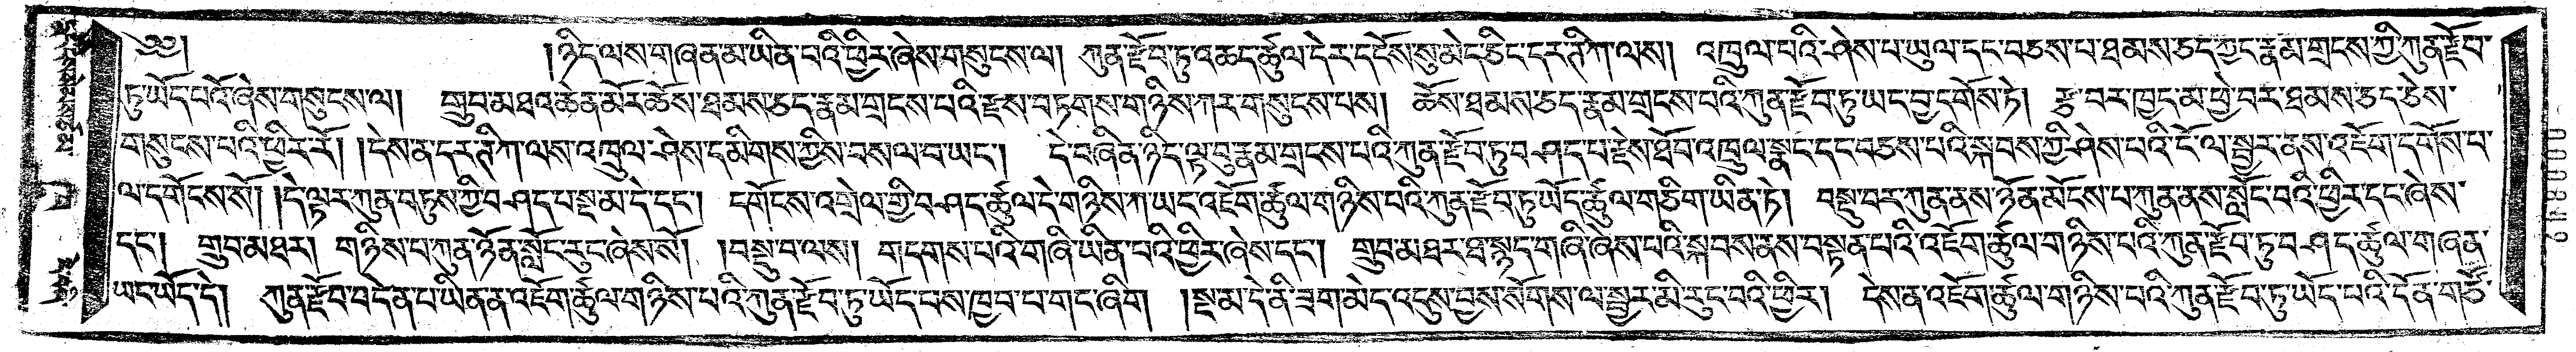༄༅། །ཉིད་ལས་གཞན་མ་ཡིན་པའི་ཕྱིར་ཞེས་གསུངས་ལ། ཀུན་རྫོབ་ཏུ་འཆད་ཚུལ་དེར་དངོས་སུ་མེད་ཅིང་དར་ཊིཀ་ལས། འཁྲུལ་པའི་ཤེས་པ་ཡུལ་ཡང་བཅས་པ་ཐམས་ཅད་ཀྱང་རྣམ་གྲངས་ཀྱི་ཀུན་རྫོབ་
ཏུ་ཡོད་པའོ་ཞེས་གསུངས་ལ། གྲུབ་མཐའ་ཆེན་མོར་ཆོས་ཐམས་ཅད་རྣམ་གྲངས་པའི་རྫས་བཏགས་གཉིས་ཀར་གསུངས་པས། ཆོས་ཐམས་ཅད་རྣམ་གྲངས་པའི་ཀུན་རྫོབ་ཏུ་ཡང་བྱ་དགོས་ཏེ། རྩ་བར་ཁྱད་མ་ཕྱེ་བར་ཐམས་ཅད་ཅེས་
གསུངས་པའི་ཕྱིར་རོ། །དེས་ན་དར་ཊིཀ་ལས་འཁྲུལ་ཤེས་དམིགས་ཀྱིས་བསལ་བ་ཡང་། དེ་བཞིན་ཉིད་ལྟ་བུ་རྣམ་གྲངས་པའི་ཀུན་རྫོབ་ཏུ་བཤད་པ་རྗེས་ཐོབ་འཁྲུལ་སྣང་དང་བཅས་པའི་སྐབས་ཀྱི་ཤེས་པའི་ངོ་ལ་སྦྱར་ནས་འཇོག་དགོས་པ་
ལ་དགོངས་སོ། །དེ་ལྟར་ཀུན་བཏུས་ཀྱི་བཤད་པ་སྔ་མ་དེ་དང་། དགོངས་འགྲེལ་གྱི་བཤད་ཚུལ་དེ་གཉིས་ཀ་ཡང་འཇོག་ཚུལ་གཉིས་པའི་ཀུན་རྫོབ་ཏུ་ཡོད་ཚུལ་གཅིག་ཡིན་ཏེ། བསྡུ་བར་ཀུན་ནས་ཉོན་མོངས་པ་ཀུན་ནས་སློང་བའི་ཕྱིར་དང་ཞེས་
དང་། གྲུབ་མཐར། གཉིས་པ་ཀུན་ཉོན་སློང་རུང་ཞེས་སོ། །བསྡུ་བ་ལས། གདགས་པའི་གཞི་ཡིན་པའི་ཕྱིར་ཞེས་དང་། གྲུབ་མཐར་ཐ་སྙད་གཞི་ཞེས་པའི་སྐབས་ནས་བསྟན་པའི་འཇོག་ཚུལ་གཉིས་པའི་ཀུན་རྫོབ་ཏུ་བཤད་ཚུལ་གཞན་
ཡང་ཡོད་དེ། ཀུན་རྫོབ་བདེན་པ་ཡིན་ན་འཇོག་ཚུལ་གཉིས་པའི་ཀུན་རྫོབ་ཏུ་ཡོད་པས་ཁྱབ་པ་གང་ཞིག །སྔ་མ་དེ་ནི་ཟག་མེད་འདུས་བྱས་སོགས་ལ་སྦྱར་མི་རུང་བའི་ཕྱིར། དེས་ན་འཇོག་ཚུལ་གཉིས་པའི་ཀུན་རྫོབ་ཏུ་ཡོད་པའི་དོན་གཙོ་